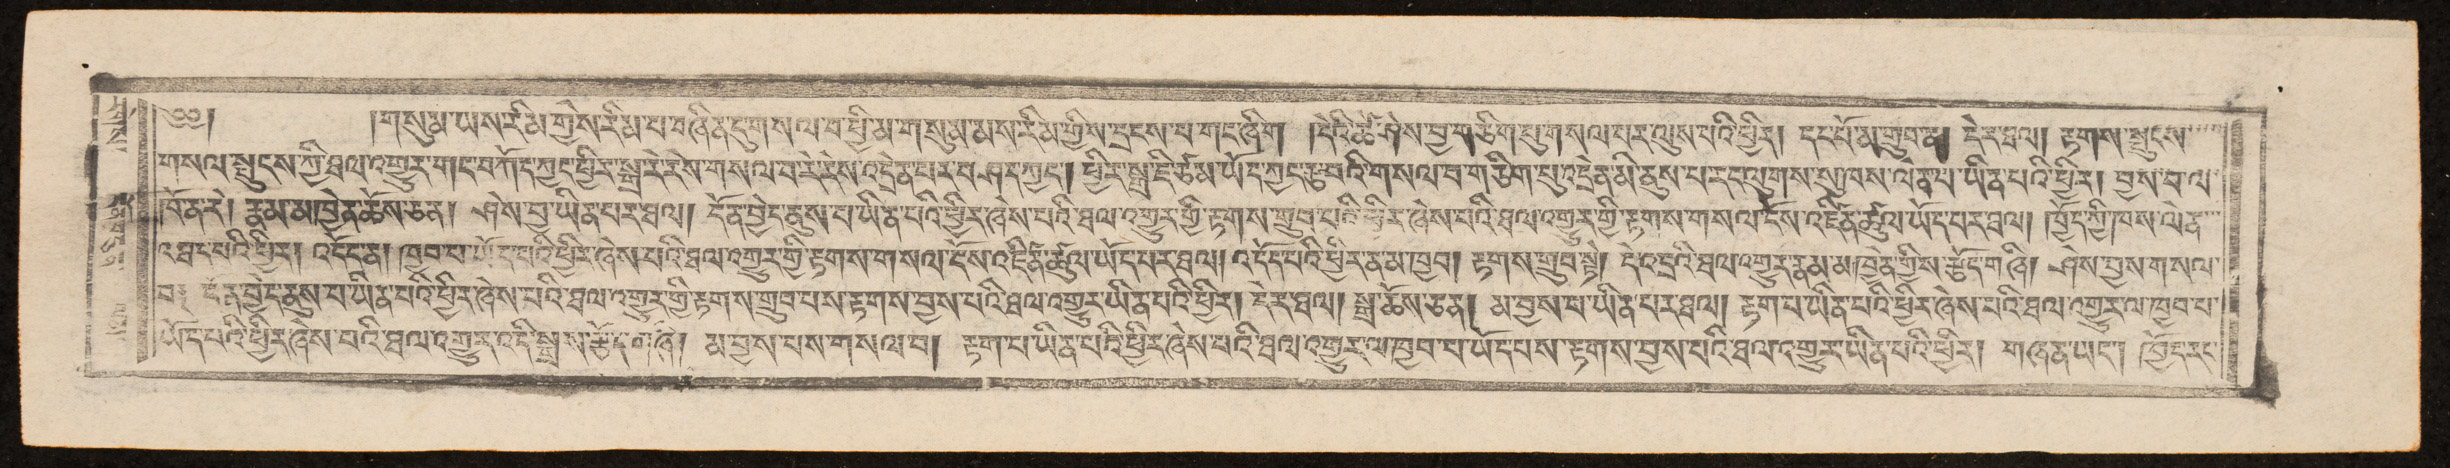༄༅། །གསུམ་ཡས་རིམ་གྱིས་རིམ་པ་བཞིན་དུ་གསལ་བ་ཕྱི་མ་གསུམ་མས་རིམ་གྱིས་དྲངས་པ་གང་ཞིག །དེའི་ཚེ་ཤེས་བྱ་གཅིག་པུ་གསལ་བར་ལུས་པའི་ཕྱིར། དང་པོ་མ་གྲུབ་ན། དེར་ཐལ། རྟགས་སྤུངས་
གསལ་སྤུངས་ཀྱི་ཐལ་འགྱུར་གང་བཀོད་ཀྱང་ཕྱིར་སྒྲ་རེ་རེས་གསལ་བ་རེ་རེས་འདྲེན་པར་བཤད་ཀྱང་། ཕྱིར་སྒྲ་ཇི་ཙམ་ཡོད་ཀྱང་རྩ་བའི་གསལ་བ་གཅིག་པུ་འདྲེན་མི་ནུས་པ་རང་ལུགས་སུ་ཁས་ལེན་པ་ཡིན་པའི་ཕྱིར། བྱས་པ་ལ་
ཁོ་ན་རེ། རྣམ་མཁྱེན་ཆོས་ཅན། ཤེས་བྱ་ཡིན་པར་ཐལ། དོན་བྱེད་ནུས་པ་ཡིན་པའི་ཕྱིར་ཞེས་པའི་ཐལ་འགྱུར་གྱི་རྟགས་གྲུབ་པའི་ཕྱིར་ཞེས་པའི་ཐལ་འགྱུར་གྱི་རྟགས་གསལ་ངོས་འཛིན་ཚུལ་ཡོད་པར་ཐལ། ཁྱོད་ཀྱི་ཁས་ལེན་
འཐད་པའི་ཕྱིར། འདོད་ན། ཁྱབ་པ་ཡོད་པའི་ཕྱིར་ཞེས་པའི་ཐལ་འགྱུར་གྱི་རྟགས་གསལ་ངོས་འཛིན་ཚུལ་ཡོད་པར་ཐལ། འདོད་པའི་ཕྱིར་ན་མ་ཁྱབ། རྟགས་གྲུབ་ཏེ། དེ་འདྲའི་ཐལ་འགྱུར་རྣམ་མཁྱེན་གྱིས་རྩོད་གཞི། ཤེས་བྱས་གསལ་
བ། དོན་བྱེད་ནུས་པ་ཡིན་པའི་ཕྱིར་ཞེས་པའི་ཐལ་འགྱུར་གྱི་རྟགས་གྲུབ་པས་རྟགས་བྱས་པའི་ཐལ་འགྱུར་ཡིན་པའི་ཕྱིར། དེར་ཐལ། སྒྲ་ཆོས་ཅན། མ་བྱས་པ་ཡིན་པར་ཐལ། རྟག་པ་ཡིན་པའི་ཕྱིར་ཞེས་པའི་ཐལ་འགྱུར་ལ་ཁྱབ་པ་
ཡོད་པའི་ཕྱིར་ཞེས་པའི་ཐལ་འགྱུར་འདི་སྒྲས་རྩོད་གཞི། མ་བྱས་པས་གསལ་བ། རྟག་པ་ཡིན་པའི་ཕྱིར་ཞེས་པའི་ཐལ་འགྱུར་ལ་ཁྱབ་པ་ཡོད་པས་རྟགས་བྱས་པའི་ཐལ་འགྱུར་ཡིན་པའི་ཕྱིར། གཞན་ཡང་། ཁྱོད་རང་